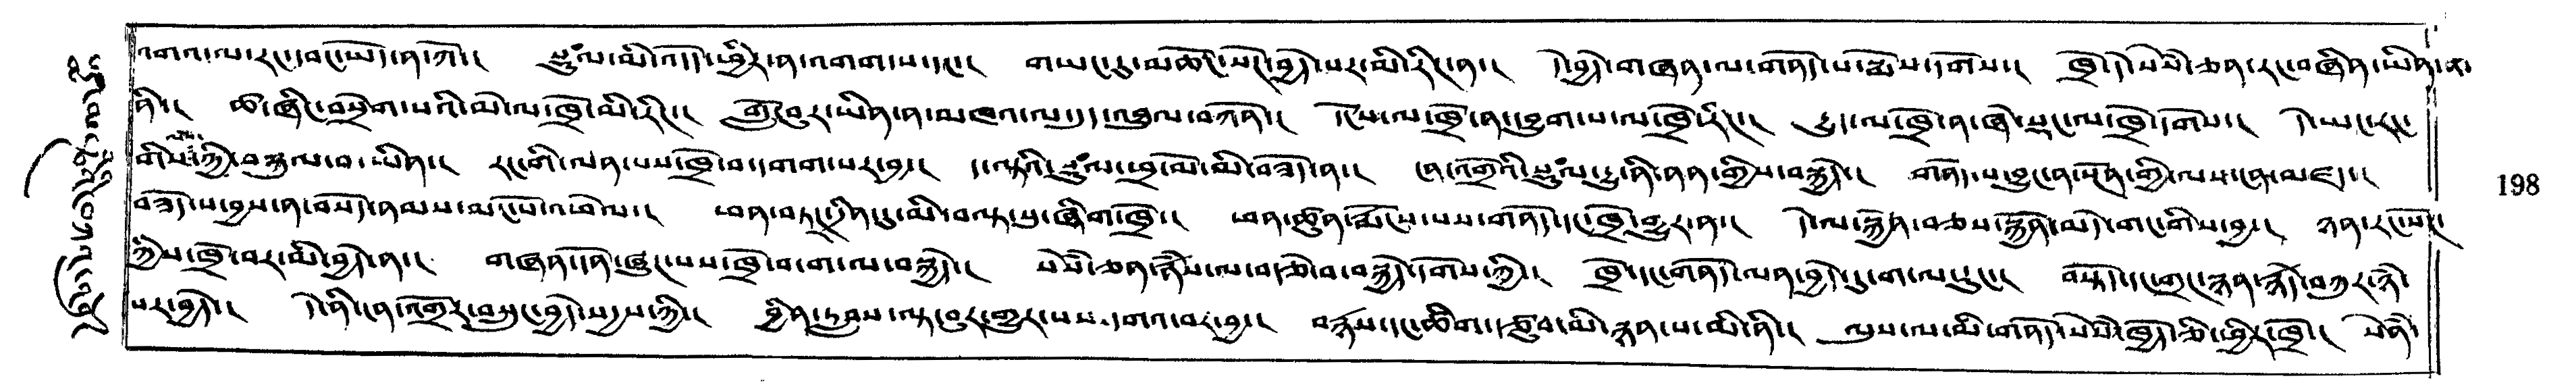འགའ་ལ་རང་དབང་ཡོད་ན་ཀོ །སྡུག་བསྔལ་མི་འདོད་ཕྱིར་ན་འགག་པ་དང་། །གཡང་དུ་མཆོང་སོགས་བྱེད་པར་མི་རིགས་ན། །དེ་བྱེད་གཞན་ལ་གནོད་པ་སྨོས་ཅི་དགོས། ཁྲོ་དེ་སེམས་ཅན་རང་བཞིན་ཡིན་ན་
ནི། །ཚ་ཞིང་བསྲེག་པའི་མེ་ལ་ཁྲོ་མི་རིགས། །གློ་བུར་ཡིན་ན་མཁའ་ལ་དུད་འཐུལ་བཀོན། །དངོས་ལ་ཁྲོ་ན་དབྱུག་པ་ལ་ཁྲོ་རིགས། །རྒྱུད་ལ་ཁྲོ་ན་ཞེ་སྡང་ལ་ཁྲོ་དགོས། །དེ་ཡང་རང་
གིས་ལས་ཀྱིས་བསྐུལ་བ་ཡིན། །རང་གི་ལན་པས་ཁྲོ་བ་དགག་པར་བྱ། །ད་ལྟའི་སྡུག་བསྔལ་ཕྲ་མོ་མི་བཟོད་ན། །ངན་འགྲོའི་སྡུག་བསྔལ་རྒྱུ་ནི་ནན་གྱིས་བསྐྱེད། །གནོད་པ་བྱུང་ན་སྔོན་གྱི་ལས་ངན་འཛད། །
བཟོད་པ་བྱས་ན་བསོད་ནམས་མང་པོ་འཕེལ། །ཕན་བཏགས་དྲིན་དུ་མི་བལྟ་སུ་ཞིག་ཁྲོ། །ཕན་ཚུན་རྨོངས་པས་གནོད་དང་ཁྲོ་གྱུར་ན། །དེ་ལ་སྐྱོན་བཅས་སྐྱོན་མེད་གང་གིས་བྱ། །ཉན་རང་སོགས་
ཀྱིས་ཁྲོ་བར་མི་བྱེད་ན། །གཞན་དོན་ཞུགས་པས་ཁྲོ་བ་ག་ལ་བསྐྱེད། །སེམས་ཅན་རྣམས་ལ་བརྩེ་བ་བསྐྱེད་དགོས་ཀྱི།ཁྲོ་དང་གནོད་ལན་བྱེད་དུ་ག་ལ་རུང་། །བསྟོད་དང་གྲགས་སྙན་རྙེད་བཀུར་ཉམས་
པར་བྱེད། །དེ་ནི་ངན་འགྲོ་བསྲུང་བྱེད་སངས་རྒྱས་ཀྱི། །བྱིན་རླབས་ལྟ་བུར་གྱུར་པས་དགའ་བར་བྱ། །བརྙས་དང་ཚིག་རྩུབ་མི་སྙན་པ་ཡིས་ནི། །ལུས་ལ་མི་གནོད་སེམས་ཁྱོད་ཅི་ཕྱིར་ཁྲོ། །སེམས་ཅན་